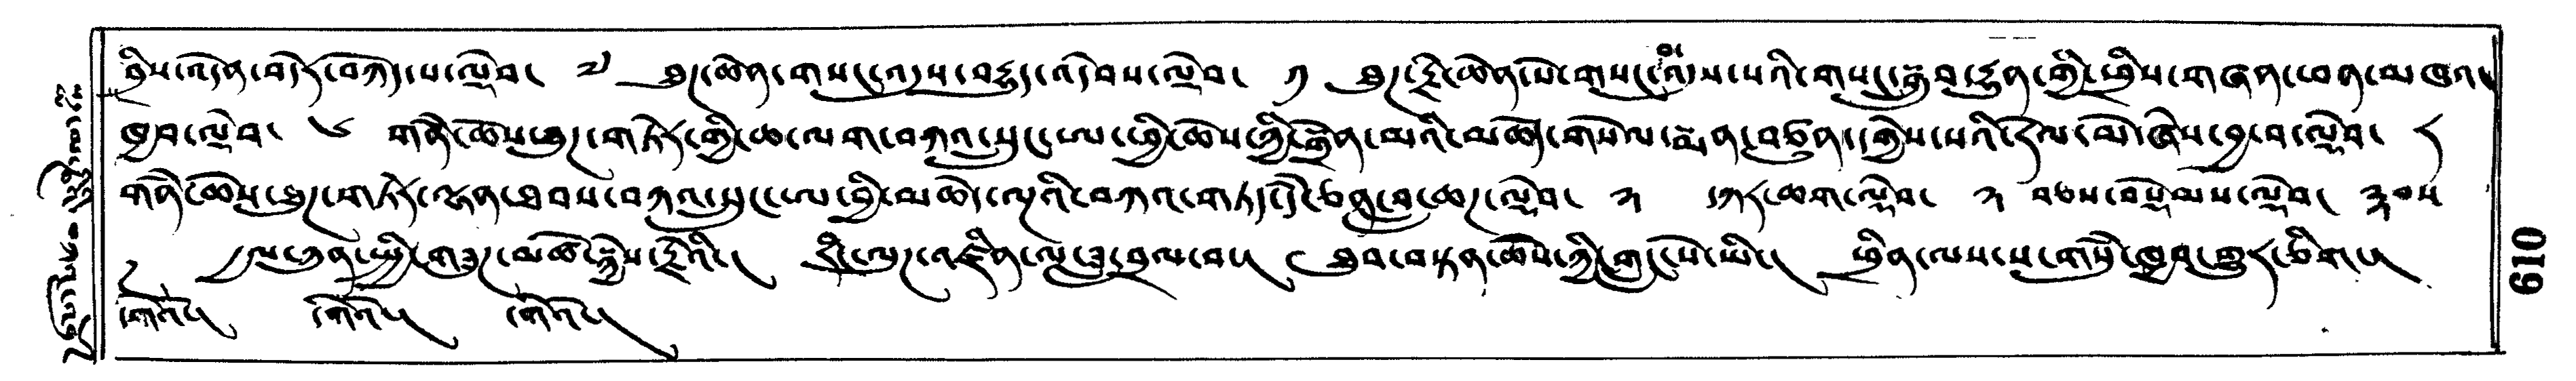བྲིས་འདོན་བདེར་བཀོད་པ་ལྡེབ། ཐུགས་ཆེན་གསང་འདུས་བརྒྱུད་འདེབས་ལྡེབ། ཐུགས་རྗེ་ཆེན་པོ་གསང་བ་འདུས་པའི་གསང་སྒྲུབ་རྒྱུན་གྱི་ཕྲིན་ལས་གཞན་ཕན་མཁའ་
ཁྱབ་ལྡེབ། གནམ་ཆོས་ཐུགས་གཏེར་གྱི་ཆ་ལག་བཀའ་སྲུང་ཨ་ཕྱི་ཆོས་ཀྱི་སྒྲོན་མའི་མཆོད་གསོལ་སྨན་བཙུན་དགྱེས་པའི་རོལ་མོ་ཞེས་བྱ་བ་ལྡེབ། 
གནམ་ཆོས་ཐུགས་གཏེར་ལྷན་ཐབས་བཀའ་སྲུང་ཨ་ཕྱི་མཆེད་ལྔའི་བཀའ་གཏད་དམ་ཅན་བླ་ཆགས་ལྡེབ། དཀར་ཆག་ལྡེབ། བཅས་བསྡོམས་ལྡེབ། ༈ 
རྒྱལ་ཀུན་སྤྱི་གཟུགས་མཚོ་སྐྱེས་རྗེའི། །རིང་ལུགས་འཛིན་ལ་ཟླ་བྲལ་བ། །ཐུབ་བསྟན་ཆོས་ཀྱི་གླང་པོ་ཡི། །ཕྲིན་ལས་ས་གསུམ་ཁྱབ་གྱུར་ཅིག།
 དགེའོ།།